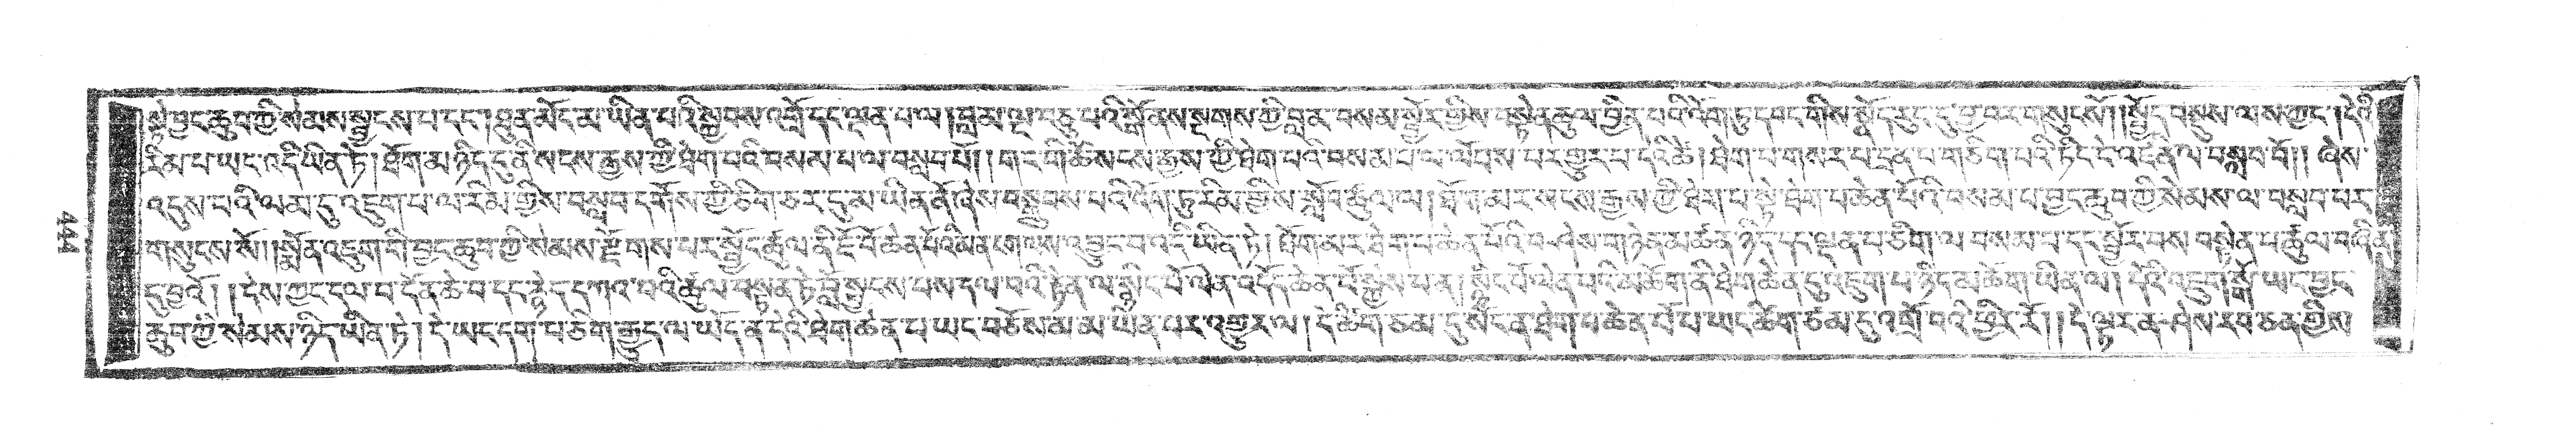སྟེ་བྱང་ཆུབ་ཀྱི་སེམས་སྦྱངས་བ་དང་། ཐུན་མོང་མ་ཡིན་པའི་སྐྱབས་འགྲོ་དང་ལྡན་པ་ལ། བླ་མ་ལྔ་བཅུ་པའི་སྒོ་ནས་སྔགས་ཀྱི་བླ་མ་བསམ་སྦྱོར་གྱིས་བསྟེན་ཚུལ་བྱིན་པའི་འོག་ཏུ་དབང་གིས་སྣོད་རུང་དུ་བྱ་བར་གསུངས་སོ། །སྤྱོད་བསྡུས་ལས་ཀྱང་། དེའི་
རིམ་པ་ཡང་འདི་ཡིན་ཏེ། ཐོག་མ་ཉིད་དུ་ནི་སངས་རྒྱས་ཀྱི་ཐེག་པའི་བསམ་པ་ལ་བསླབ་པོ། །གང་གི་ཚེ་སངས་རྒྱས་ཀྱི་ཐེག་པའི་བསམ་པ་ལ་ལོབས་པར་གྱུར་པ་དེའི་ཚེ། ཐེག་པ་གསར་པ་དྲན་པ་གཅིག་པའི་ཏིང་ངེ་འཛིན་ལ་བསླབ་བོ། །ཞེས་
འདུས་པའི་ལམ་དུ་འཇུག་པ་ལ་རིམ་གྱིས་བསྲབ་དགོས་ཀྱི་ཅིག་ཅར་དུ་མ་ཡིན་ནོ་ཞེས་བསྒྲུབས་པའི་འོག་ཏུ་རིམ་གྱིས་སློབ་ཚུལ་ལ། ཐོག་མར་སངས་རྒྱས་ཀྱི་ཐེག་པ་སྟེ་ཐེག་པ་ཆེན་པོའི་བསམ་པ་བྱང་ཆུབ་ཀྱི་སེམས་ལ་བསླབ་པར་
གསུངས་སོ། །སྨོན་འཇུག་གི་བྱང་ཆུབ་ཀྱི་སེམས་རྫོགས་པར་སྦྱོང་ཚུལ་ནི་ཇོ་བོ་ཆེན་པོའི་མན་ངག་ལས་འབྱུང་བ་འདི་ཡིན་ཏེ། ཐོག་མར་ཐེག་པ་ཆེན་པོའི་བཤེས་གཉེན་མཚན་ཉིད་དང་ལྡན་པ་ཅིག་ལ་བསམ་པ་དང་སྦྱོར་བས་བསྟེན་པ་ཚུལ་བཞིན་
དུ་བྱའོ། །དེས་ཀྱང་དལ་བ་དོན་ཆེ་བ་དང་རྙེད་དཀའ་བའི་ཚུལ་བསྟན་ཏེ་བློ་སྦྱངས་པས་དལ་བའི་རྟེན་ལ་སྙིང་པོ་ལེན་འདོད་ཆེན་པོ་སྐྱེས་པ་ན། སྙིང་པོ་ལེན་པའི་མཆོག་ནི་ཐེག་ཆེན་དུ་འཇུག་པ་ཉིད་མཆོག་ཡིན་ལ། དེའི་འཇུག་སྒོ་ཡང་བྱང་
ཆུབ་ཀྱི་སེམས་ཉིད་ཡིན་ཏེ། དེ་ཡང་དག་པ་ཅིག་རྒྱུད་ལ་ཡོད་ན་དེའི་ཐེག་ཆེན་པ་ཡང་བཅས་མ་མ་ཡིན་པར་འགྱུར་ལ། དེ་ཚིག་ཙམ་དུ་སོང་ན་ཐེག་པ་ཆེན་པོ་པ་ཡང་ཚིག་ཙམ་དུ་འགྲོ་བའི་ཕྱིར་རོ། །དེ་ལྟར་ན་ཤེས་རབ་ཅན་གྱིས་